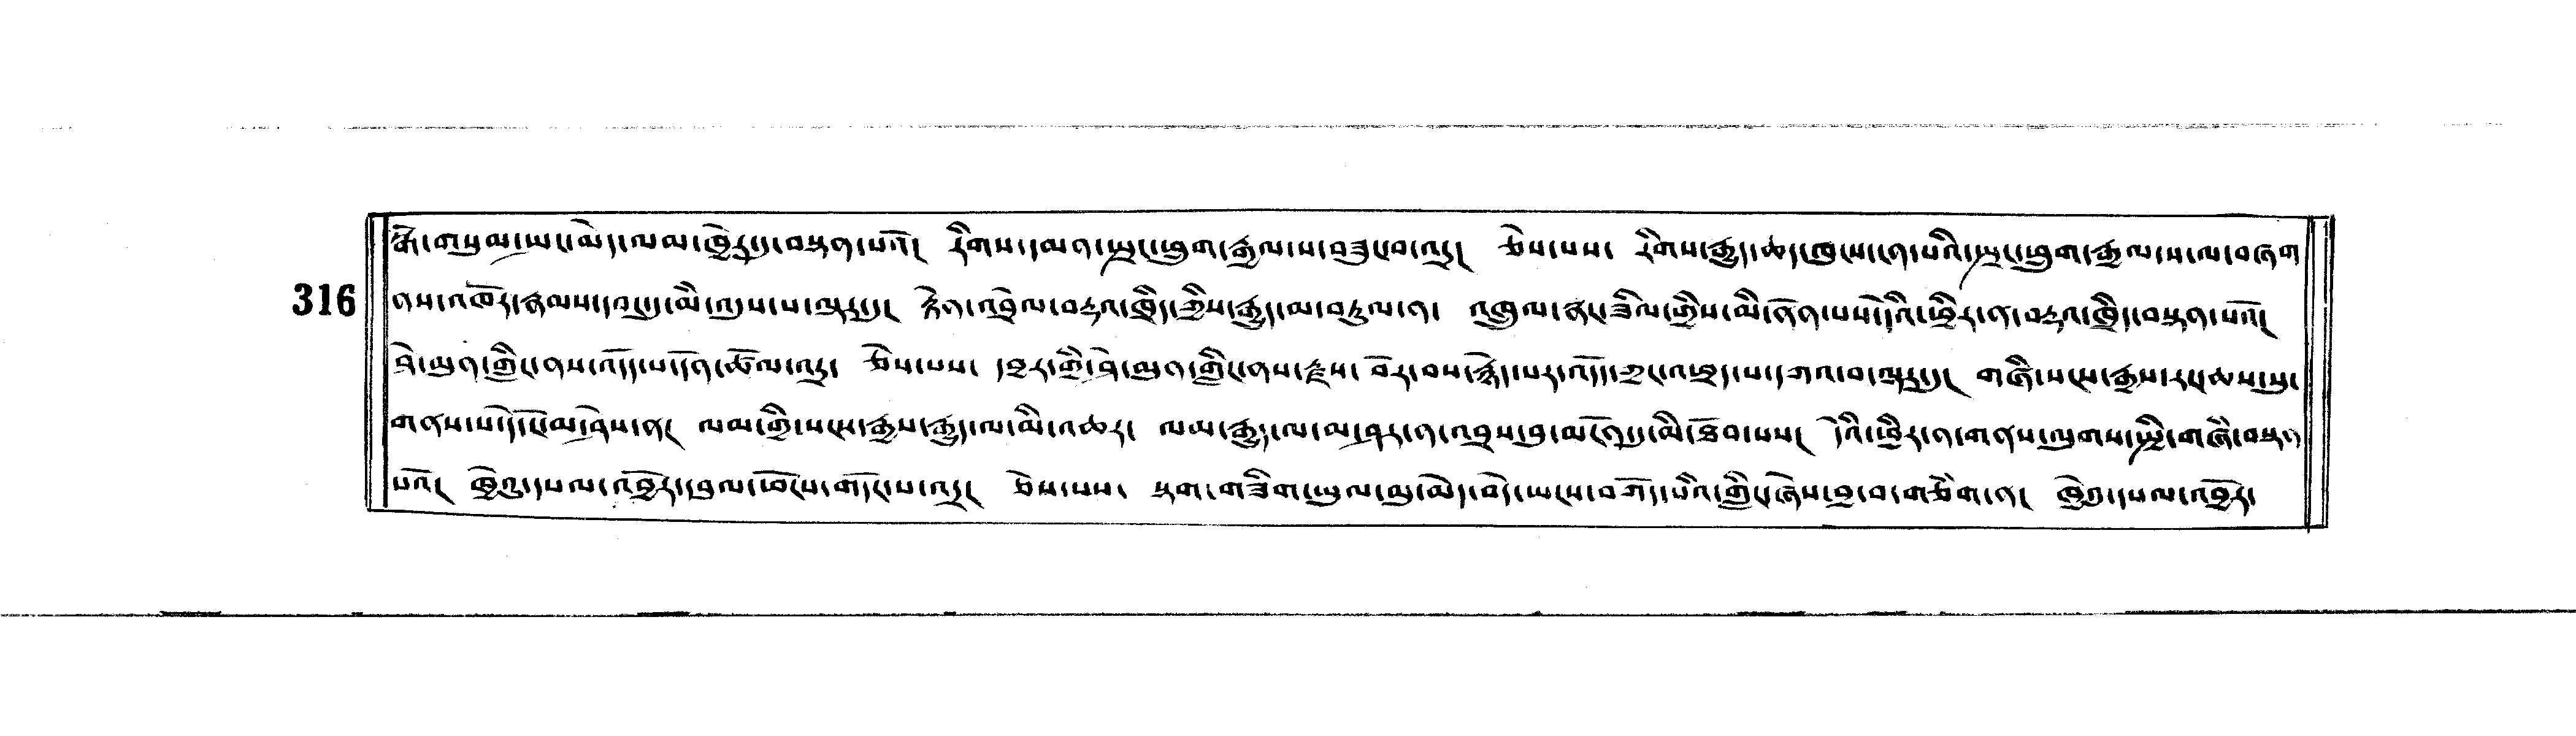སྒོ་གསུམ་སྤང་མེད་ལམ་ཁྱེར་དུ་བསྟན་པའོ། རིགས་དམན་སྤྲང་ཕྲུག་རྒྱལ་ས་བཟུང་བ་འདྲ། ཅེས་པས། རིགས་རྒྱུད་ཆད་ཁུངས་ངན་པའི་སྤྲང་ཕྲུག་རྒྱལ་ས་ལ་བཞག་
ནས་འཁོར་རྣམས་དབང་དུ་མི་འདུས་པ་ལྟར་དུ་རྟེན་འབྲེལ་བརྡ་ཁྲིད་ཀྱིས་རྒྱུད་མ་བཏུལ་ན། འཁྲུལ་སྣང་ཟིལ་གྱིས་མི་ནོན་པས་དེའི་ཕྱིར་ན་བརྡ་ཁྲིད་བསྟན་པའོ། 
ཤེ་མུན་གླིང་ནས་འདོད་པ་དོན་ཚོལ་འདྲ། ཅེས་པས་དབྱར་གྱི་ཤེ་མུན་གླིང་ནས་རྫས་བོར་བས་རྙེད་པར་འདོད་ཀྱང་འཕྲད་པ་དཀའ་བ་ལྟར་དུ་གཞི་སངས་རྒྱས་རང་ཆས་སུ་
གནས་པ་དེ་ངོ་མ་ཤེས་ན་ལམ་གྱི་སངས་རྒྱས་རྒྱུད་ལ་མི་འཆར་ལམ་རྒྱུད་ལ་མ་ཤར་ན་འབྲས་བུ་མངོན་དུ་མི་ཐོབ་པས་དེའི་ཕྱིར་ན་གནས་ལུགས་སྤྱི་གཞི་བསྟན་
པའོ། ཁྱེའུ་དཔལ་འབྱོར་དབུལ་ཕོངས་གདོང་པ་འདྲ། ཅེས་པས་སྟག་གཟིག་ཡུལ་མུ་མེད་བདེ་ཡངས་བཀོད་པའི་གླིང་ཞེས་བྱ་བ་ཅིག་ན་ཁྱེའུ་དཔལ་འབྱོར་